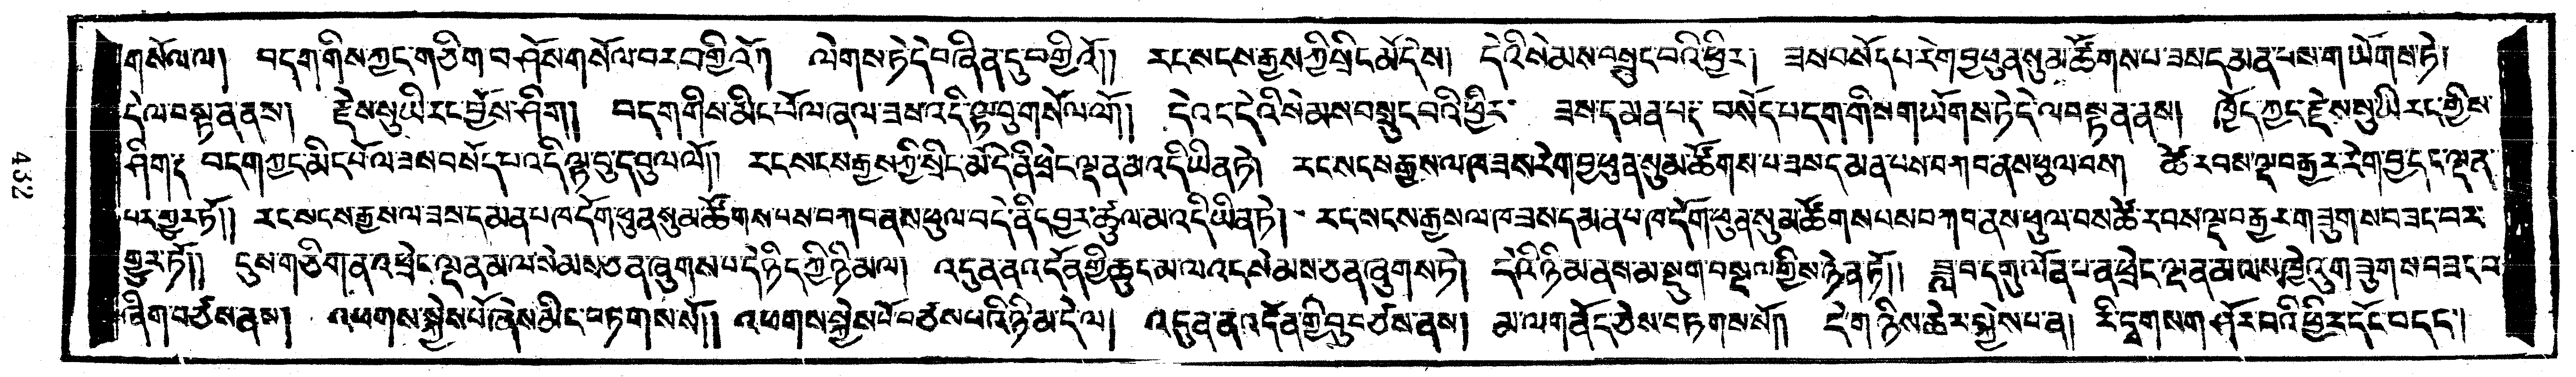གསོལ་ལ། བདག་གིས་ཀྱང་གཅིག་བཤོས་གསོལ་བར་བགྱིའོ། ལེགས་ཏེ་དེ་བཞིན་དུ་བགྱིའོ།། རང་སངས་རྒྱས་ཀྱི་སྲིང་མོ་དེས། དེའི་སེམས་བསྲུང་བའི་ཕྱིར། ཟས་བསོད་པ་རེག་བྱ་ཕུན་སུམ་ཚོགས་པ་ཟས་དམན་པས་གཡོགས་ཏེ།
དེ་ལ་བསྟན་ནས། རྗེས་སུ་ཡི་རང་བྱོས་ཤིག། བདག་གིས་མིང་པོ་ལ་ཞལ་ཟས་འདི་ལྟ་བུ་གསོལ་ལོ།། དེའང་དེའི་སེམས་བསྲུང་བའི་ཕྱིར་ཟས་དམན་པ༑ བསོད་བདག་གིས་གཡོགས་ཏེ་དེ་ལ་བསྟན་ནས། ཁྱོད་ཀྱང་རྗེས་སུ་ཡི་རང་གྱིས་
ཤིག༑ བདག་ཀྱང་མིང་པོ་ལ་ཟས་བསོད་པ་འདི་ལྟ་བུ་དབུལ་ལོ།། རང་སངས་རྒྱས་ཀྱི་སྲིང་མོ་དེ་ནི་ཕྲེང་ལྡན་མ་འདི་ཡིན་ཏེ། རང་སངས་རྒྱས་ལ་ཁ་ཟས་རེག་བྱ་ཕུན་སུམ་ཚོགས་པ་ཟས་དམན་པས་བཀབ་ནས་ཕུལ་བས། ཚེ་རབས་ལྔ་བརྒྱར་རེག་བྱ་དང་ལྡན་
པར་གྱུར་ཏོ།། རང་སངས་རྒྱས་ལ་ཟས་དམན་པ་ཁ་དོག་ཕུན་སུམ་ཚོགས་པས་བཀབ་ནས་ཕུལ་བདེ་ནི་དབྱར་ཚུལ་མ་འདི་ཡིན་ཏེ། རང་སངས་རྒྱས་ལ་ཁ་ཟས་དམན་པ་ཁ་དོག་ཕུན་སུམ་ཚོགས་པས་བཀབ་ནས་ཕུལ་བས་ཚེ་རབས་ལྔ་བརྒྱར་གཟུགས་བཟང་པར་
གྱུར་ཏོ།། དུས་གཅིག་ན་འཕྲེང་ལྡན་མ་ལ་སེམས་ཅན་ཞུགས་པ་དེ་ཉིད་ཀྱི་ཉི་མལ། འདུན་ན་འདོན་གྱི་ཆུང་མ་ལའང་སེམས་ཅན་ཞུགས་ཏེ། དེའི་ཉི་མ་ནས་མ་སྡུག་བསྔལ་གྱིས་ཉེན་ཏོ།། ཟླ་བ་དགུ་ལོན་པ་ན་ཕྲེང་ལྡན་མ་ལས་ཁྱེའུ་གཟུགས་བཟང་བ་
ཞིག་བཙས་ནས། འཕགས་སྐྱེས་པོ་ཞེས་མིང་བཏགས་སོ།། འཕགས་སྐྱེས་པོ་བཙས་པའི་ཉི་མ་དེ་ལ། འདུན་ན་འདོན་གྱི་བུ་བཙས་ནས། མ་ལ་གནོད་ཅེས་བཏགས་སོ།། དེ་གཉིས་ཆེར་སྐྱེས་པ་ན། རི་དྭགས་གཤོར་བའི་ཕྱིར་དོང་བ་དང་།